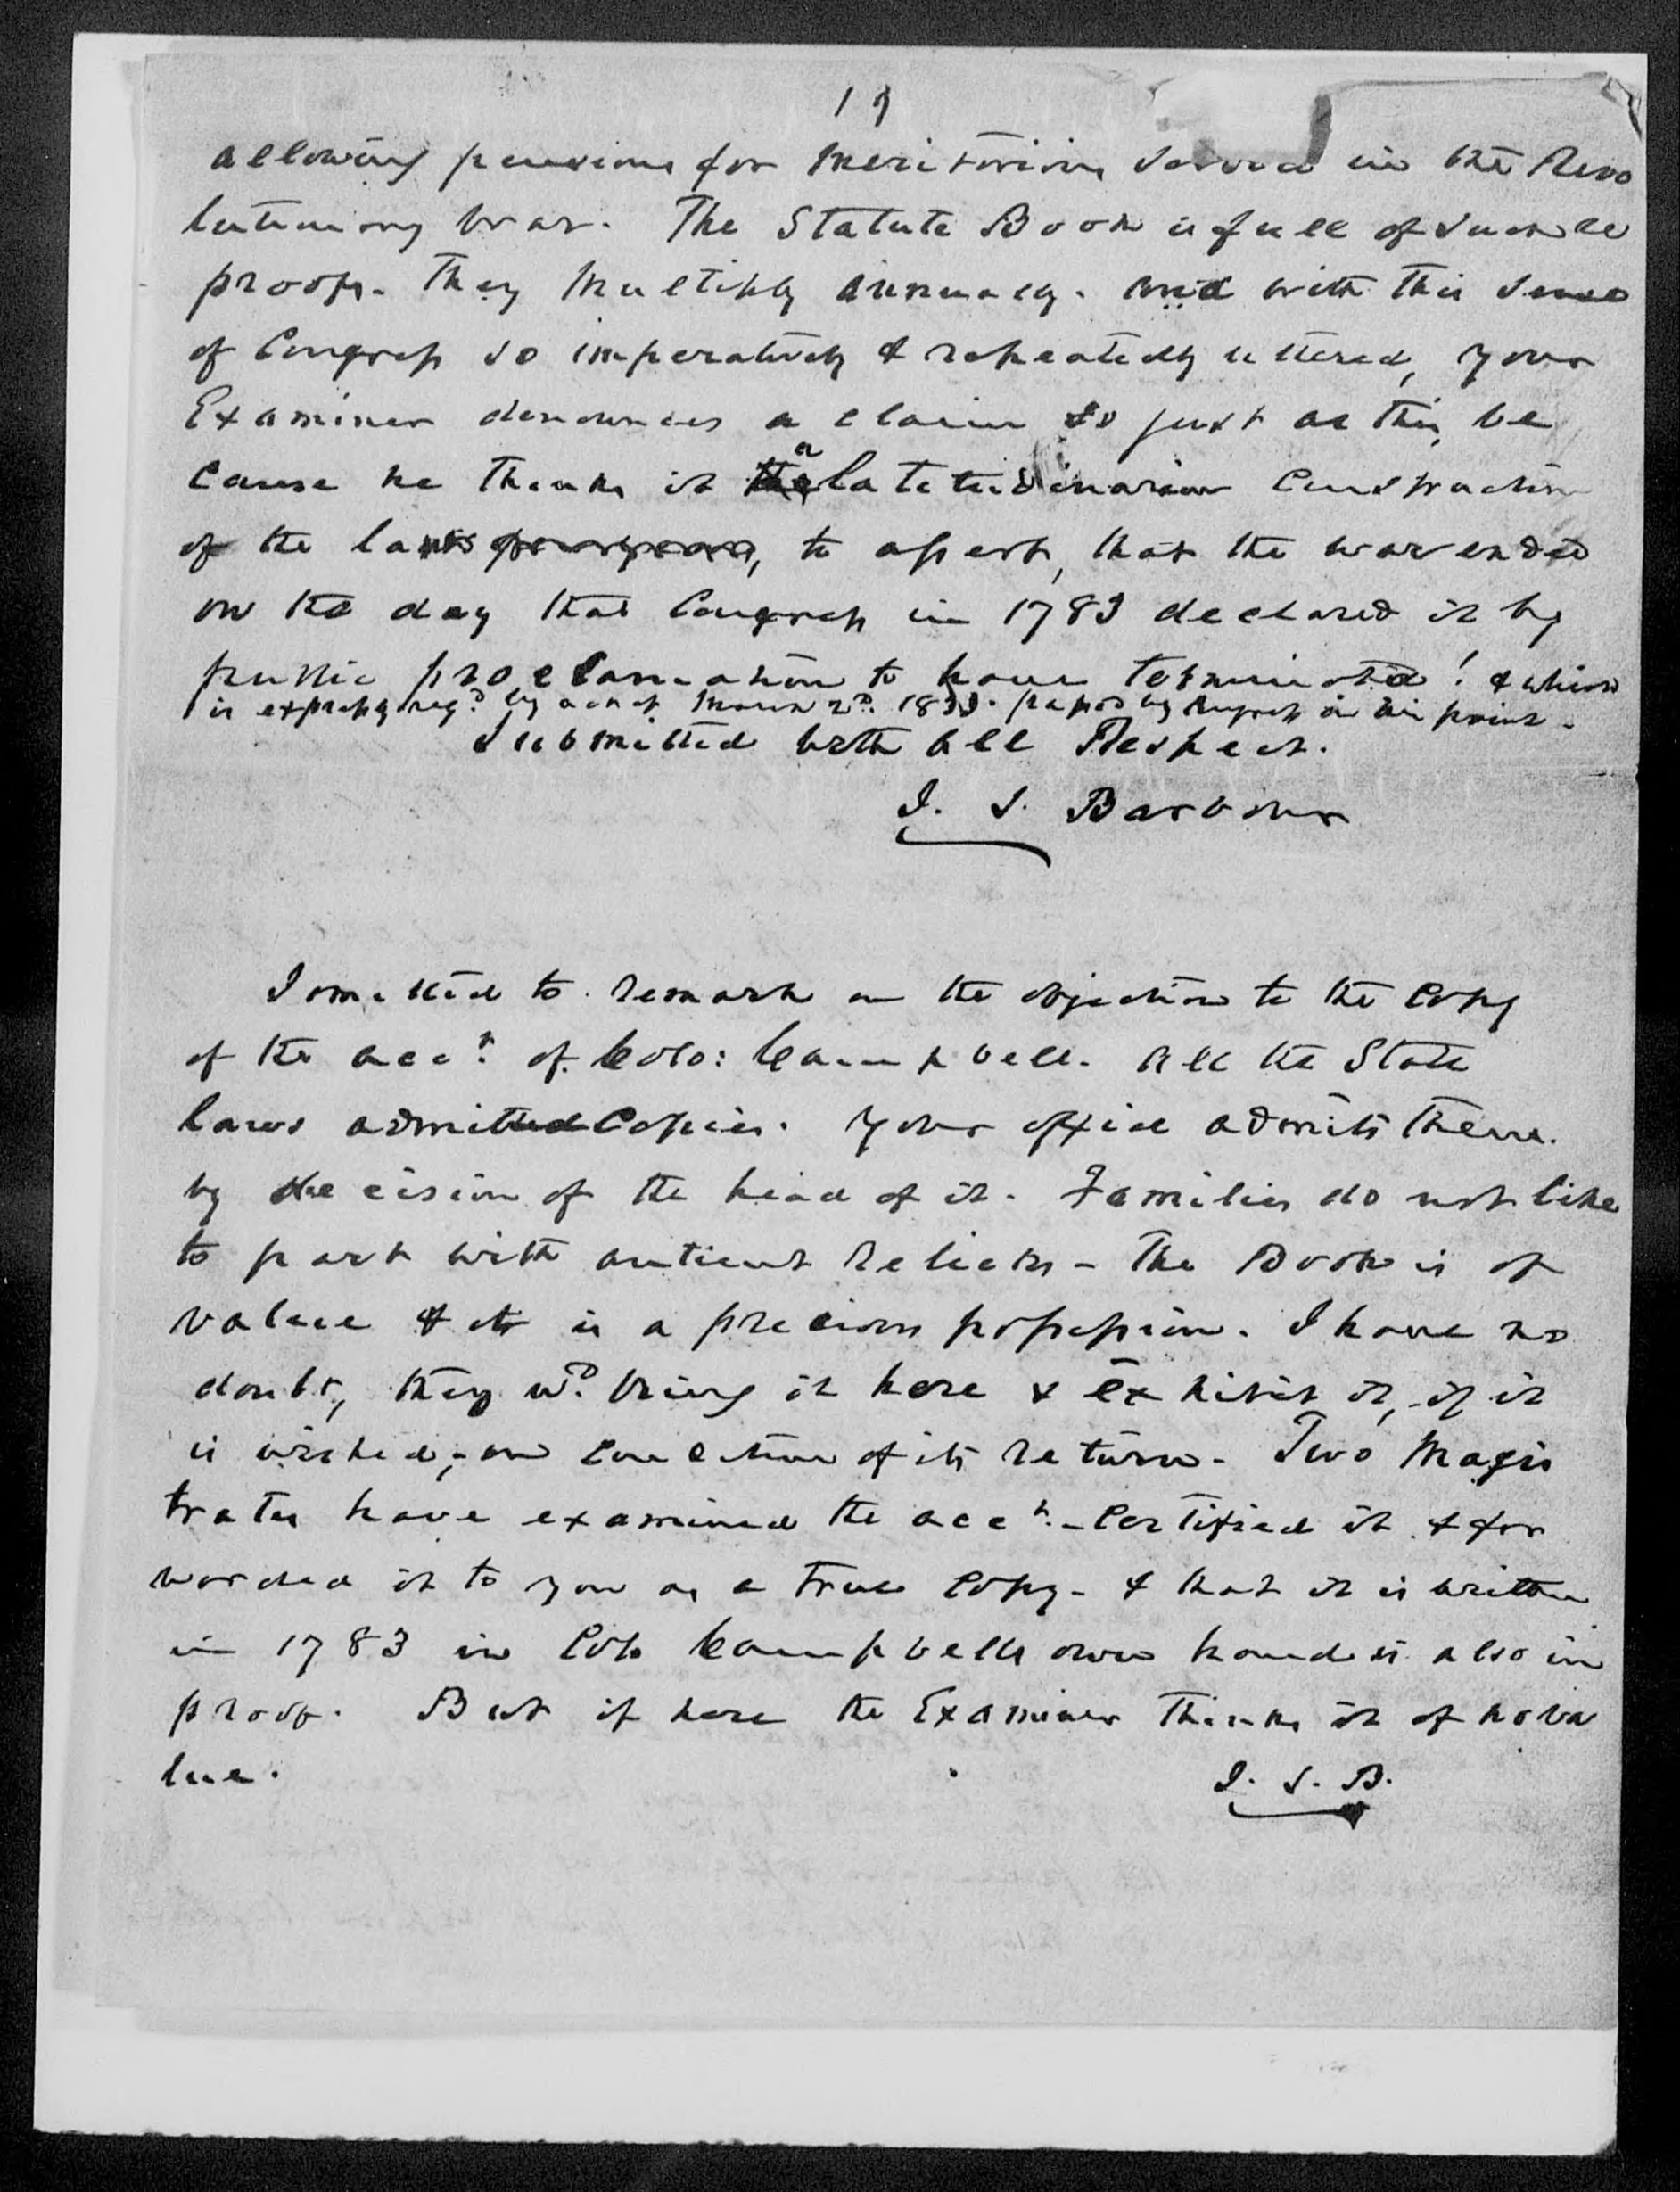19
allowing pensions for meritorious service in the Revolutionary War.  The Statute Book is full of such reproofs.  They multiply annually and with this sense of Congress so imperatively & repeatedly uttered, your Examiner denounces a claim so just as this, because he thinks it a late [?] construction of the law, to assert, that the war ended on the day the Congress in 1783 declared it by public proclamation to have terminated! & which is expressly reg'd by act of March 2d 1833 passed by Congress on this point.
Submitted with all Respect.
J. S. Barbour

I omitted to remark on the objection to the copy of the acc't of Colo. Campbell.  All the State laws admitted copies.  You r office admits them by decision of the head of it.  Families do not like to part with antient [sic] relicts. The Book is of value & it is a precious possession.  I have no doubt, they w'd bring it here & exhibit it, if it is wished, on condition of its return.  Two Magistrates have examined the acc't certified it & forwarded it to you as a True Copy. & that it is written in 1783 in Colo Campbells own hand is also in proof.  But if here the Examiner Thinks it of no value.
J. S. B.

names: Campbell, J S Barbour, Campbell, J S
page: 241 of 267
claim: widow's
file: W. 4,149, William Campbell, Va.